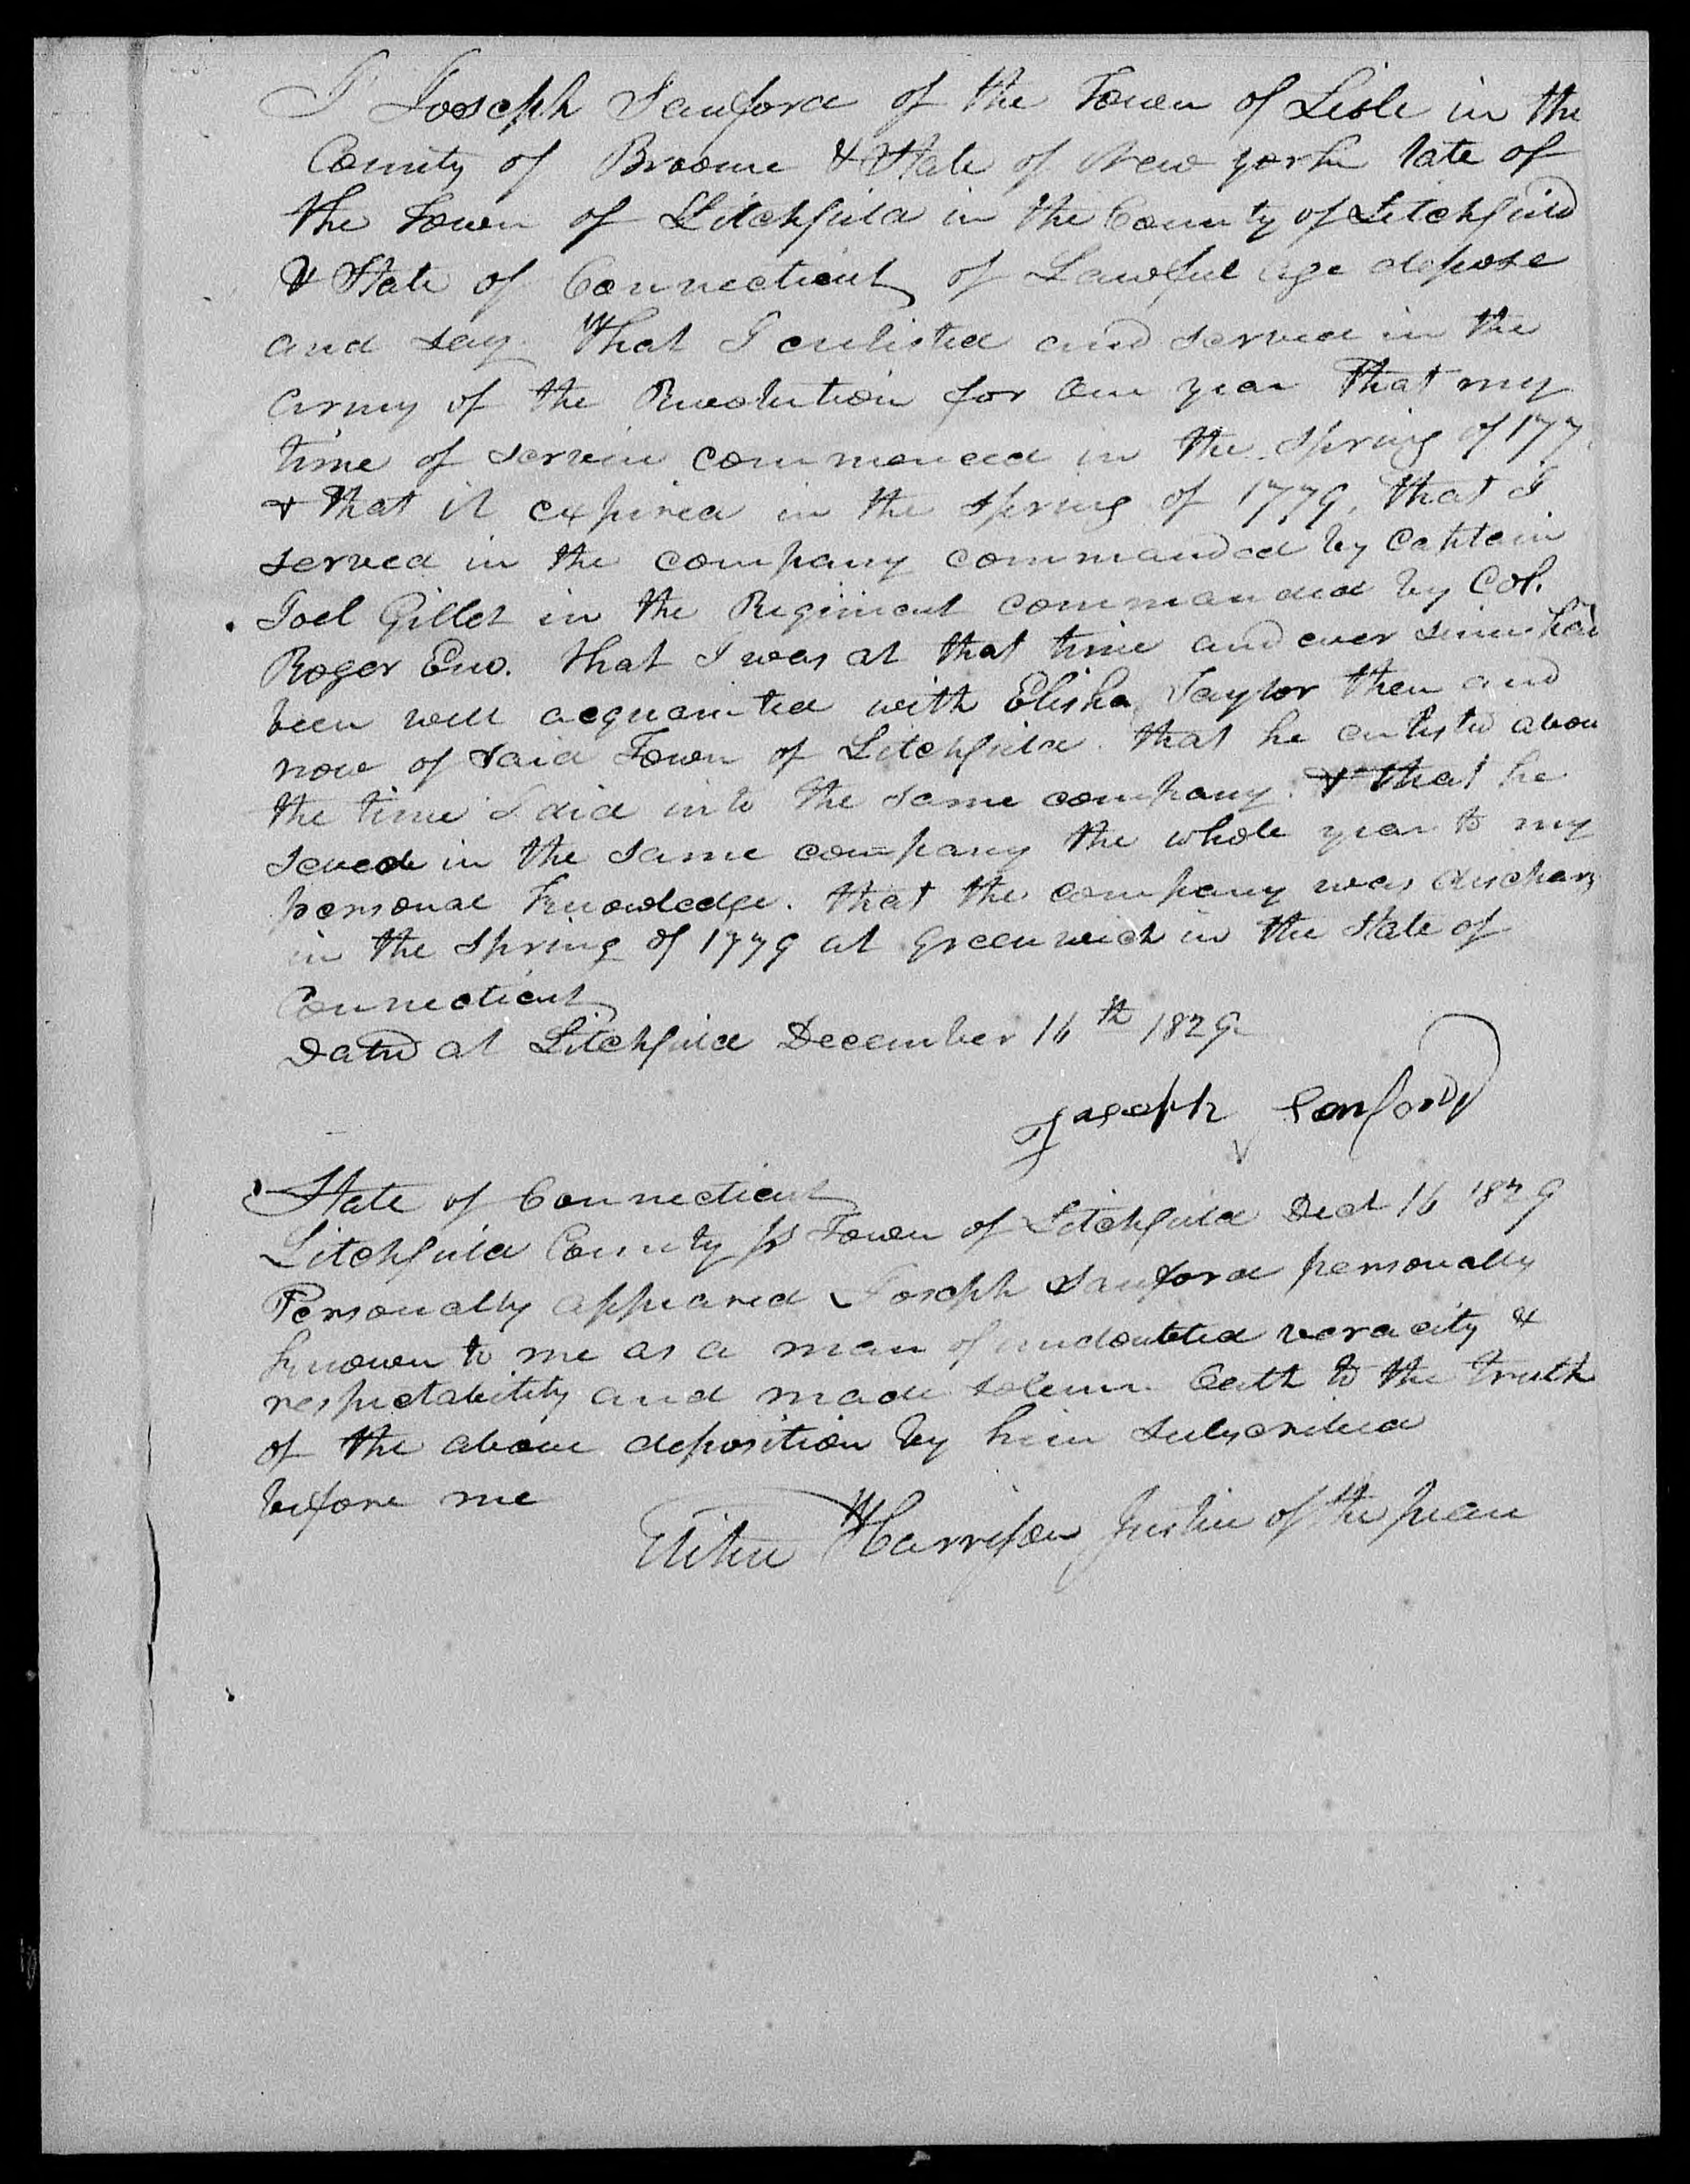I Joseph Sanford of the Town of Lisle in the County of Browne & State of New York late of the town of Litchfield in the County of Litchfield & State of Connecticut of Lawful age depose and say that I enlisted and served in the Army of the Revolution for one year that any time of service commenced in the Spring of 177(illegible) & that it expired in the spring of 1779, that I served in the company commanded by Captain Joel Gillet in the Regiment commanded by Col. Roger Eno. That I was at that time and ever since have been well acquainted with Elisha Taylor then and now of said Town of Litchfield, that he enlisted about the time I did into the same company & that he served in the same company the whole year to my personal knowledge. That the company was discharged in the Spring of 1779 at Greenwich in the State of Connecitcut.
Dated at Litchfield December 16th 1829
Joseph Sanford.
State of Connecticut Litchfield County & Town of Litchfield Dec. 16th 1829 Personally appeared Joseph Sanford personally known to me as a man of undoubted veracity & respectability and made solemn oath to the truth of the above deposition by him subscribed before me
Elihu Harrison Justice of the Peace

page: 12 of 16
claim: survivor's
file: S. 17722, for Elisha Taylor, Connecticut